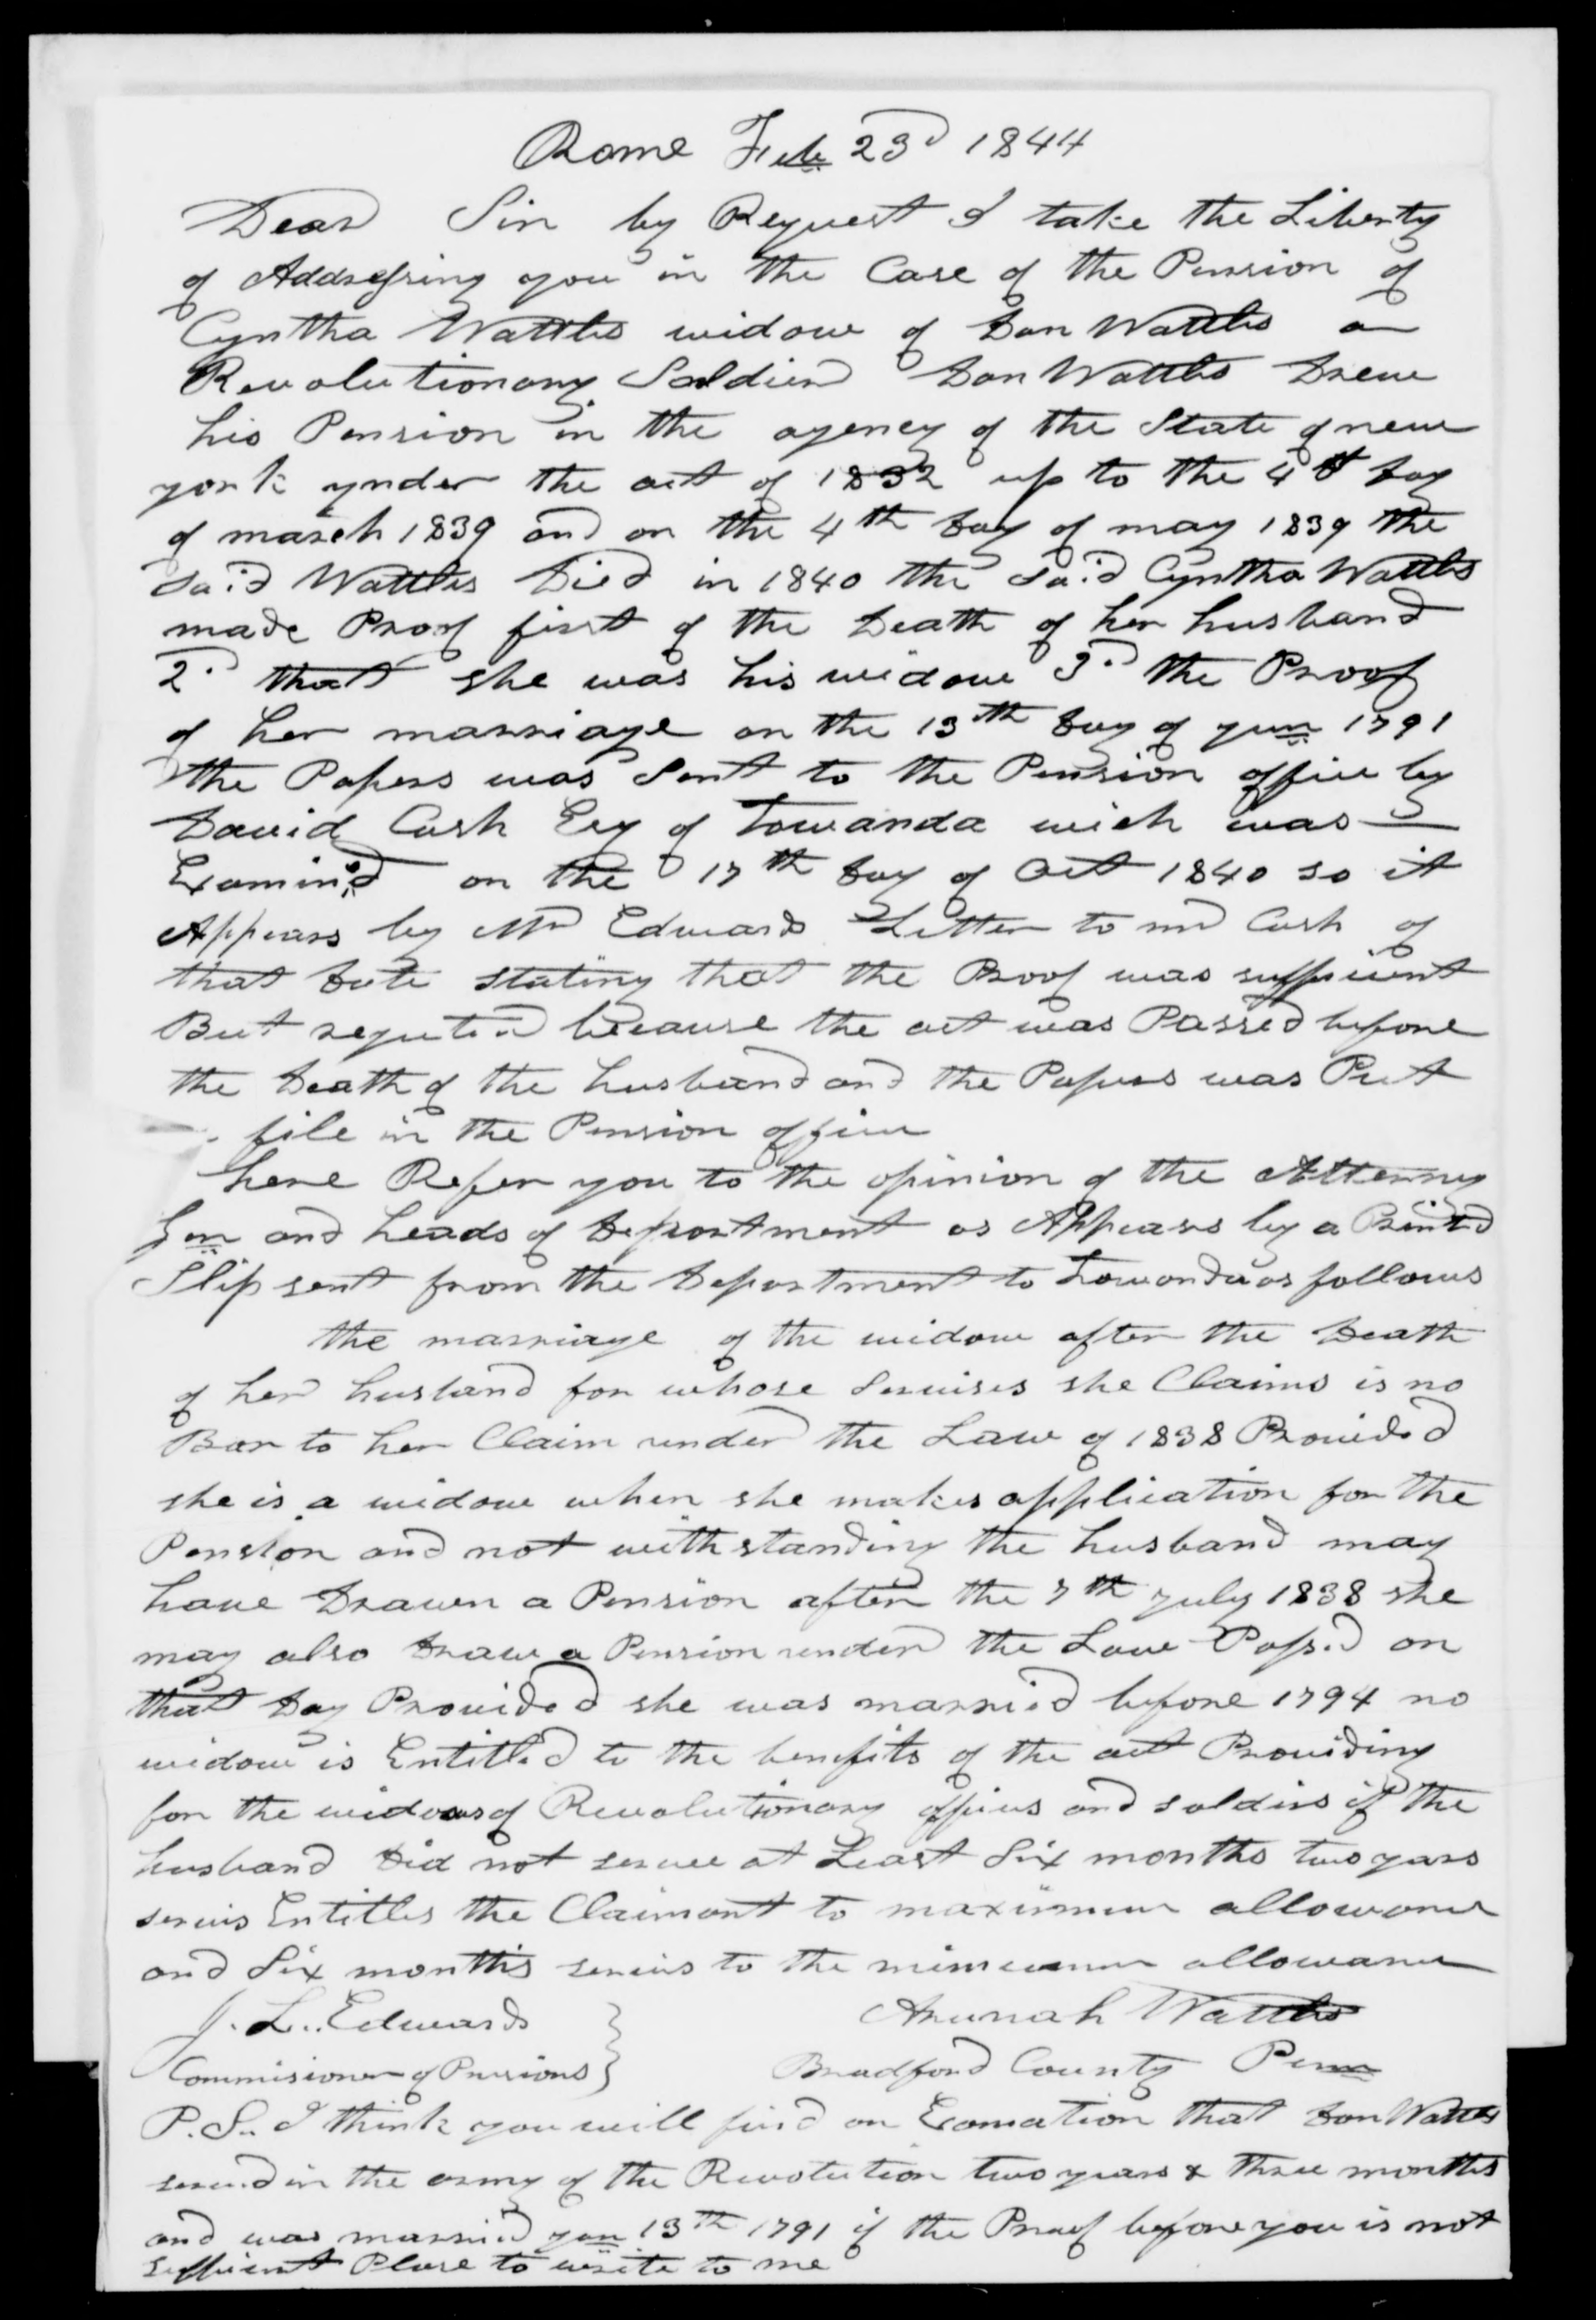Rome Feb 23d 1844
Dear Sir by Request I take the Liberty of Addressing you in the case of the Pension of Cyntha Wattles widow of Dan Wattles a Revolutionary Soldier Dan Wattles Drew his Pension in the agency of the State of New York under the act of 1832 up to the 4th day of March 1839 and on the 4th day of May 1839 the said Wattles Died in 1840 the said Cyntha Wattles made Proof first of the Death of her husband 2. that she was his widow 3. the proof of her marriage on the 13th day of June 1791 the papers was sent to the Pension office by David Cash Esq of Towanda wich was Examined on the 17th day of Oct 1840 so it Appears by Mr Edwards Letter to Mr Cash of that date stating that the proof was sufficient But requested because the act was passed before the death of the husband and the papers was put on file in the Pension office

here refer you to the opinion of the Attorney son and heads of Department as appears by a printed Slip sent from the Department to Towanda as follows

the marriage of the widow after the death of her husband for whose services she claims is no Bar to her claim under the Law of 1838 provided she is a widow when she makes application for the Pension and not withstanding the husband may have drawn a pension after the 7th July 1838 she may also draw a Pension under the law passed on that Day Provided she was married before 1794 no widow is entitled to the benefits of the act providing for the widows of Revolutionary offices and soldiers of the husband did not serve at least six months two years series Entitles the Claimant to maximum allowance and six months series to the minimum allowance
Arunah Wattles
Bradford County Penn
J.L. Edwards
Commissioner of Pensions

P.S. I think you will find on Examination that Dan Wattles served in the army of the Revolution two years & three months and was married Jan 13th 1791 if the proof before you is not sufficient please to write to me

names: David Cash, Dan Wattles, Arunah Wattles, J L Edwards, Cyntha Wattles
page: 51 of 70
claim: widow's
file: W. 3743, Dan Wattles, Conn.